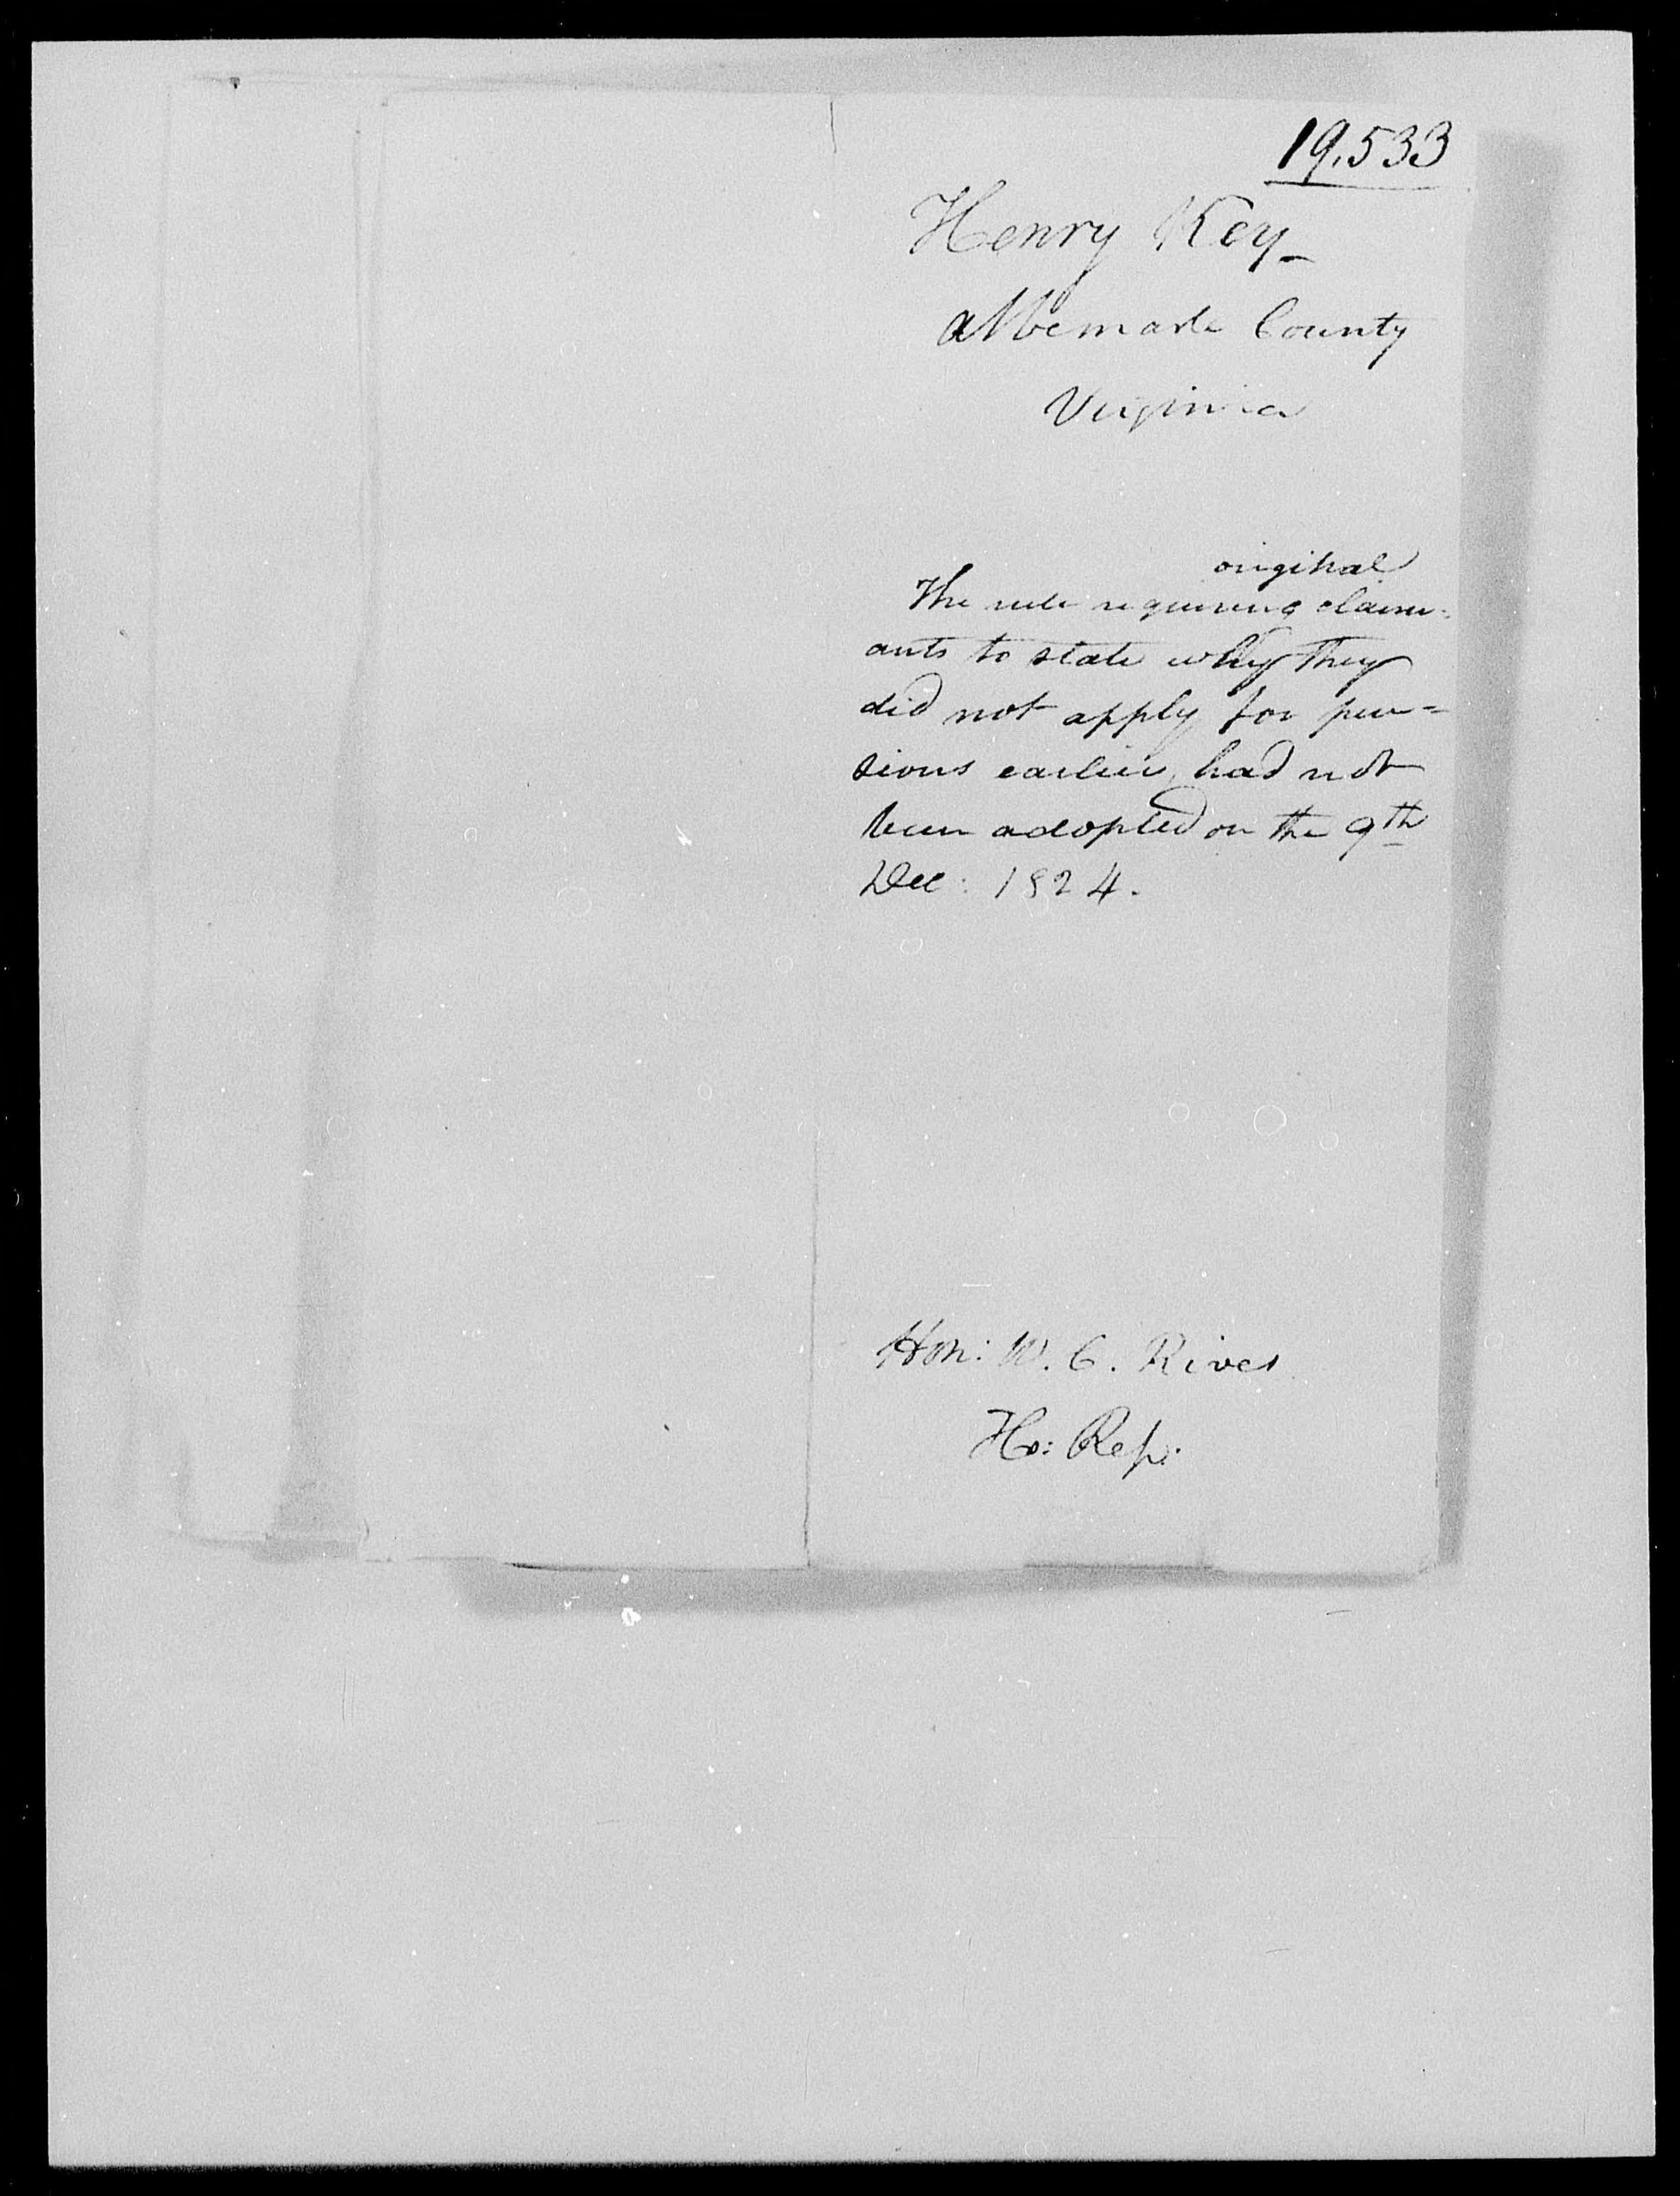Page 7

19.533

Henry Key
Albemarle County
Virginia

original
The rule requiring claimants to state why they
did not apply for pensions earlier, had not
been adopted on the 9th Dec. 1824.

Hon: W.C. River
Ho: Re[illegible]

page: 7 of 25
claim: survivor's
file: S 38116, for Henry Key, Virginia